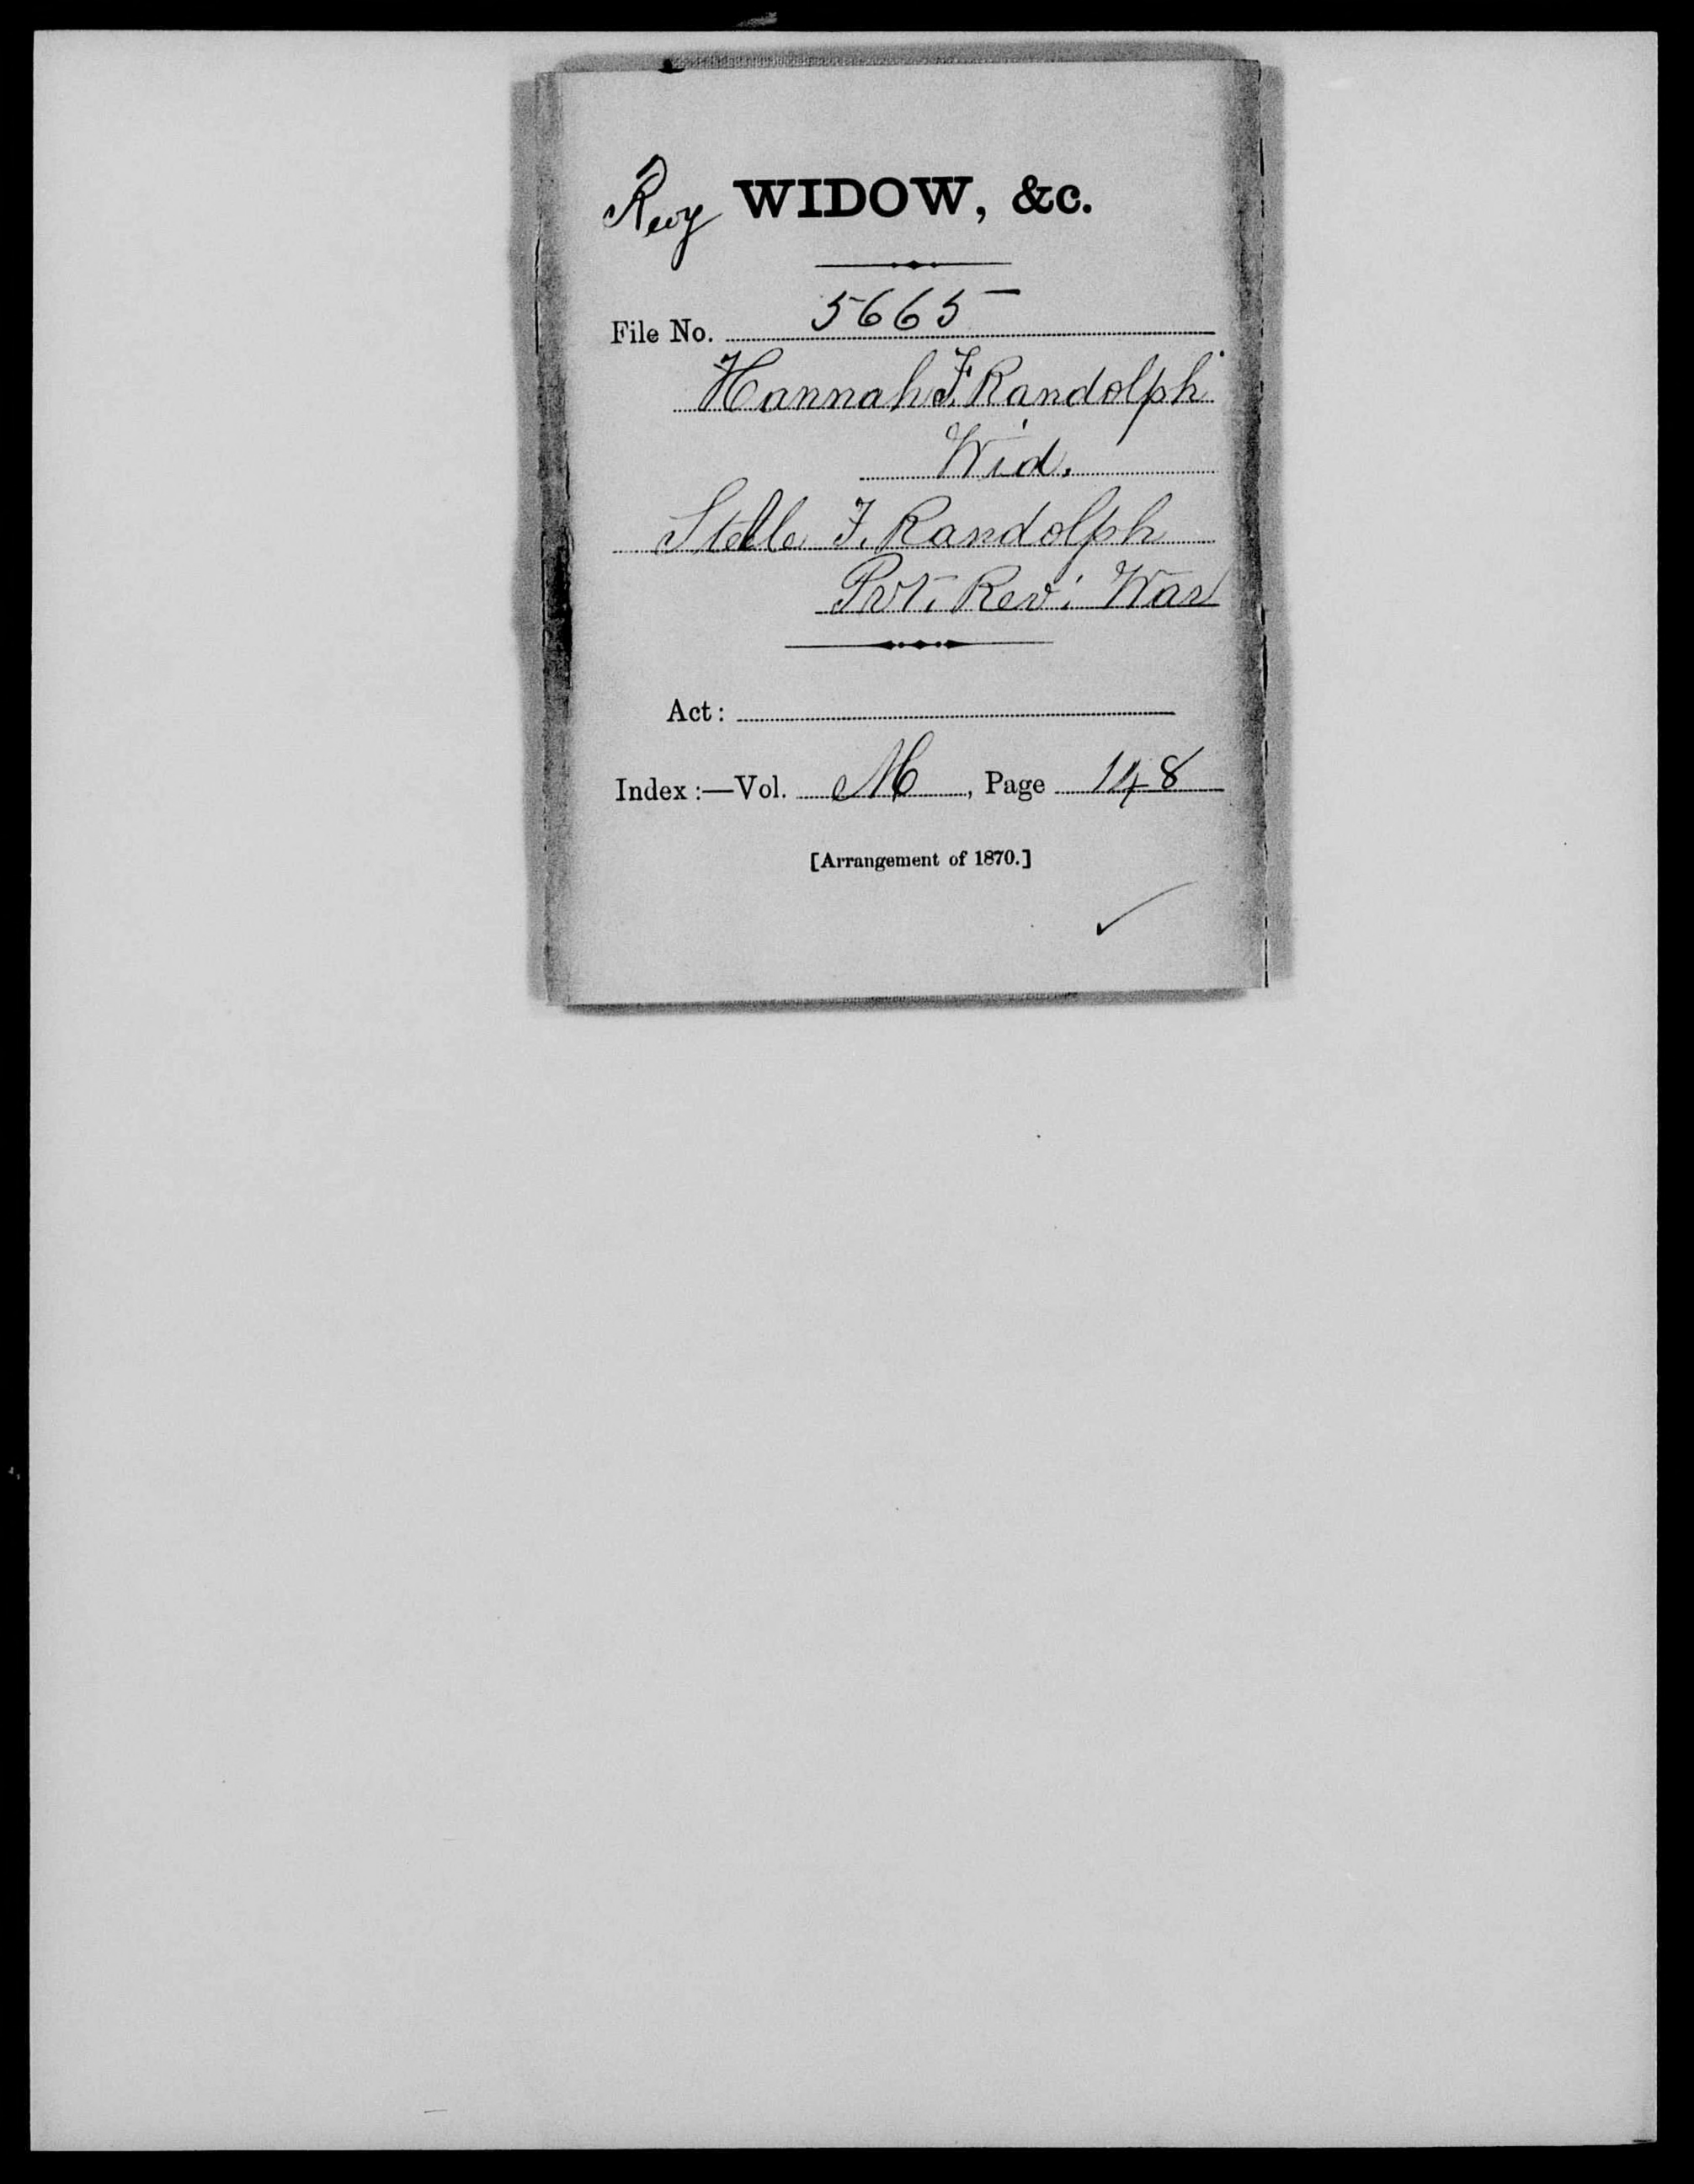Keoy WIDOW, &c.
File No. 5665
Hannah F. Randolph
Wid,
Stelle F. Randolph
Pri; Rev; War
Act:
Index: -- Vol. H, Page 148
[Arrangement of 1870.]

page: 14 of 33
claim: widow's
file: W. 5,665, for Stelle F Randolph, New Jersey